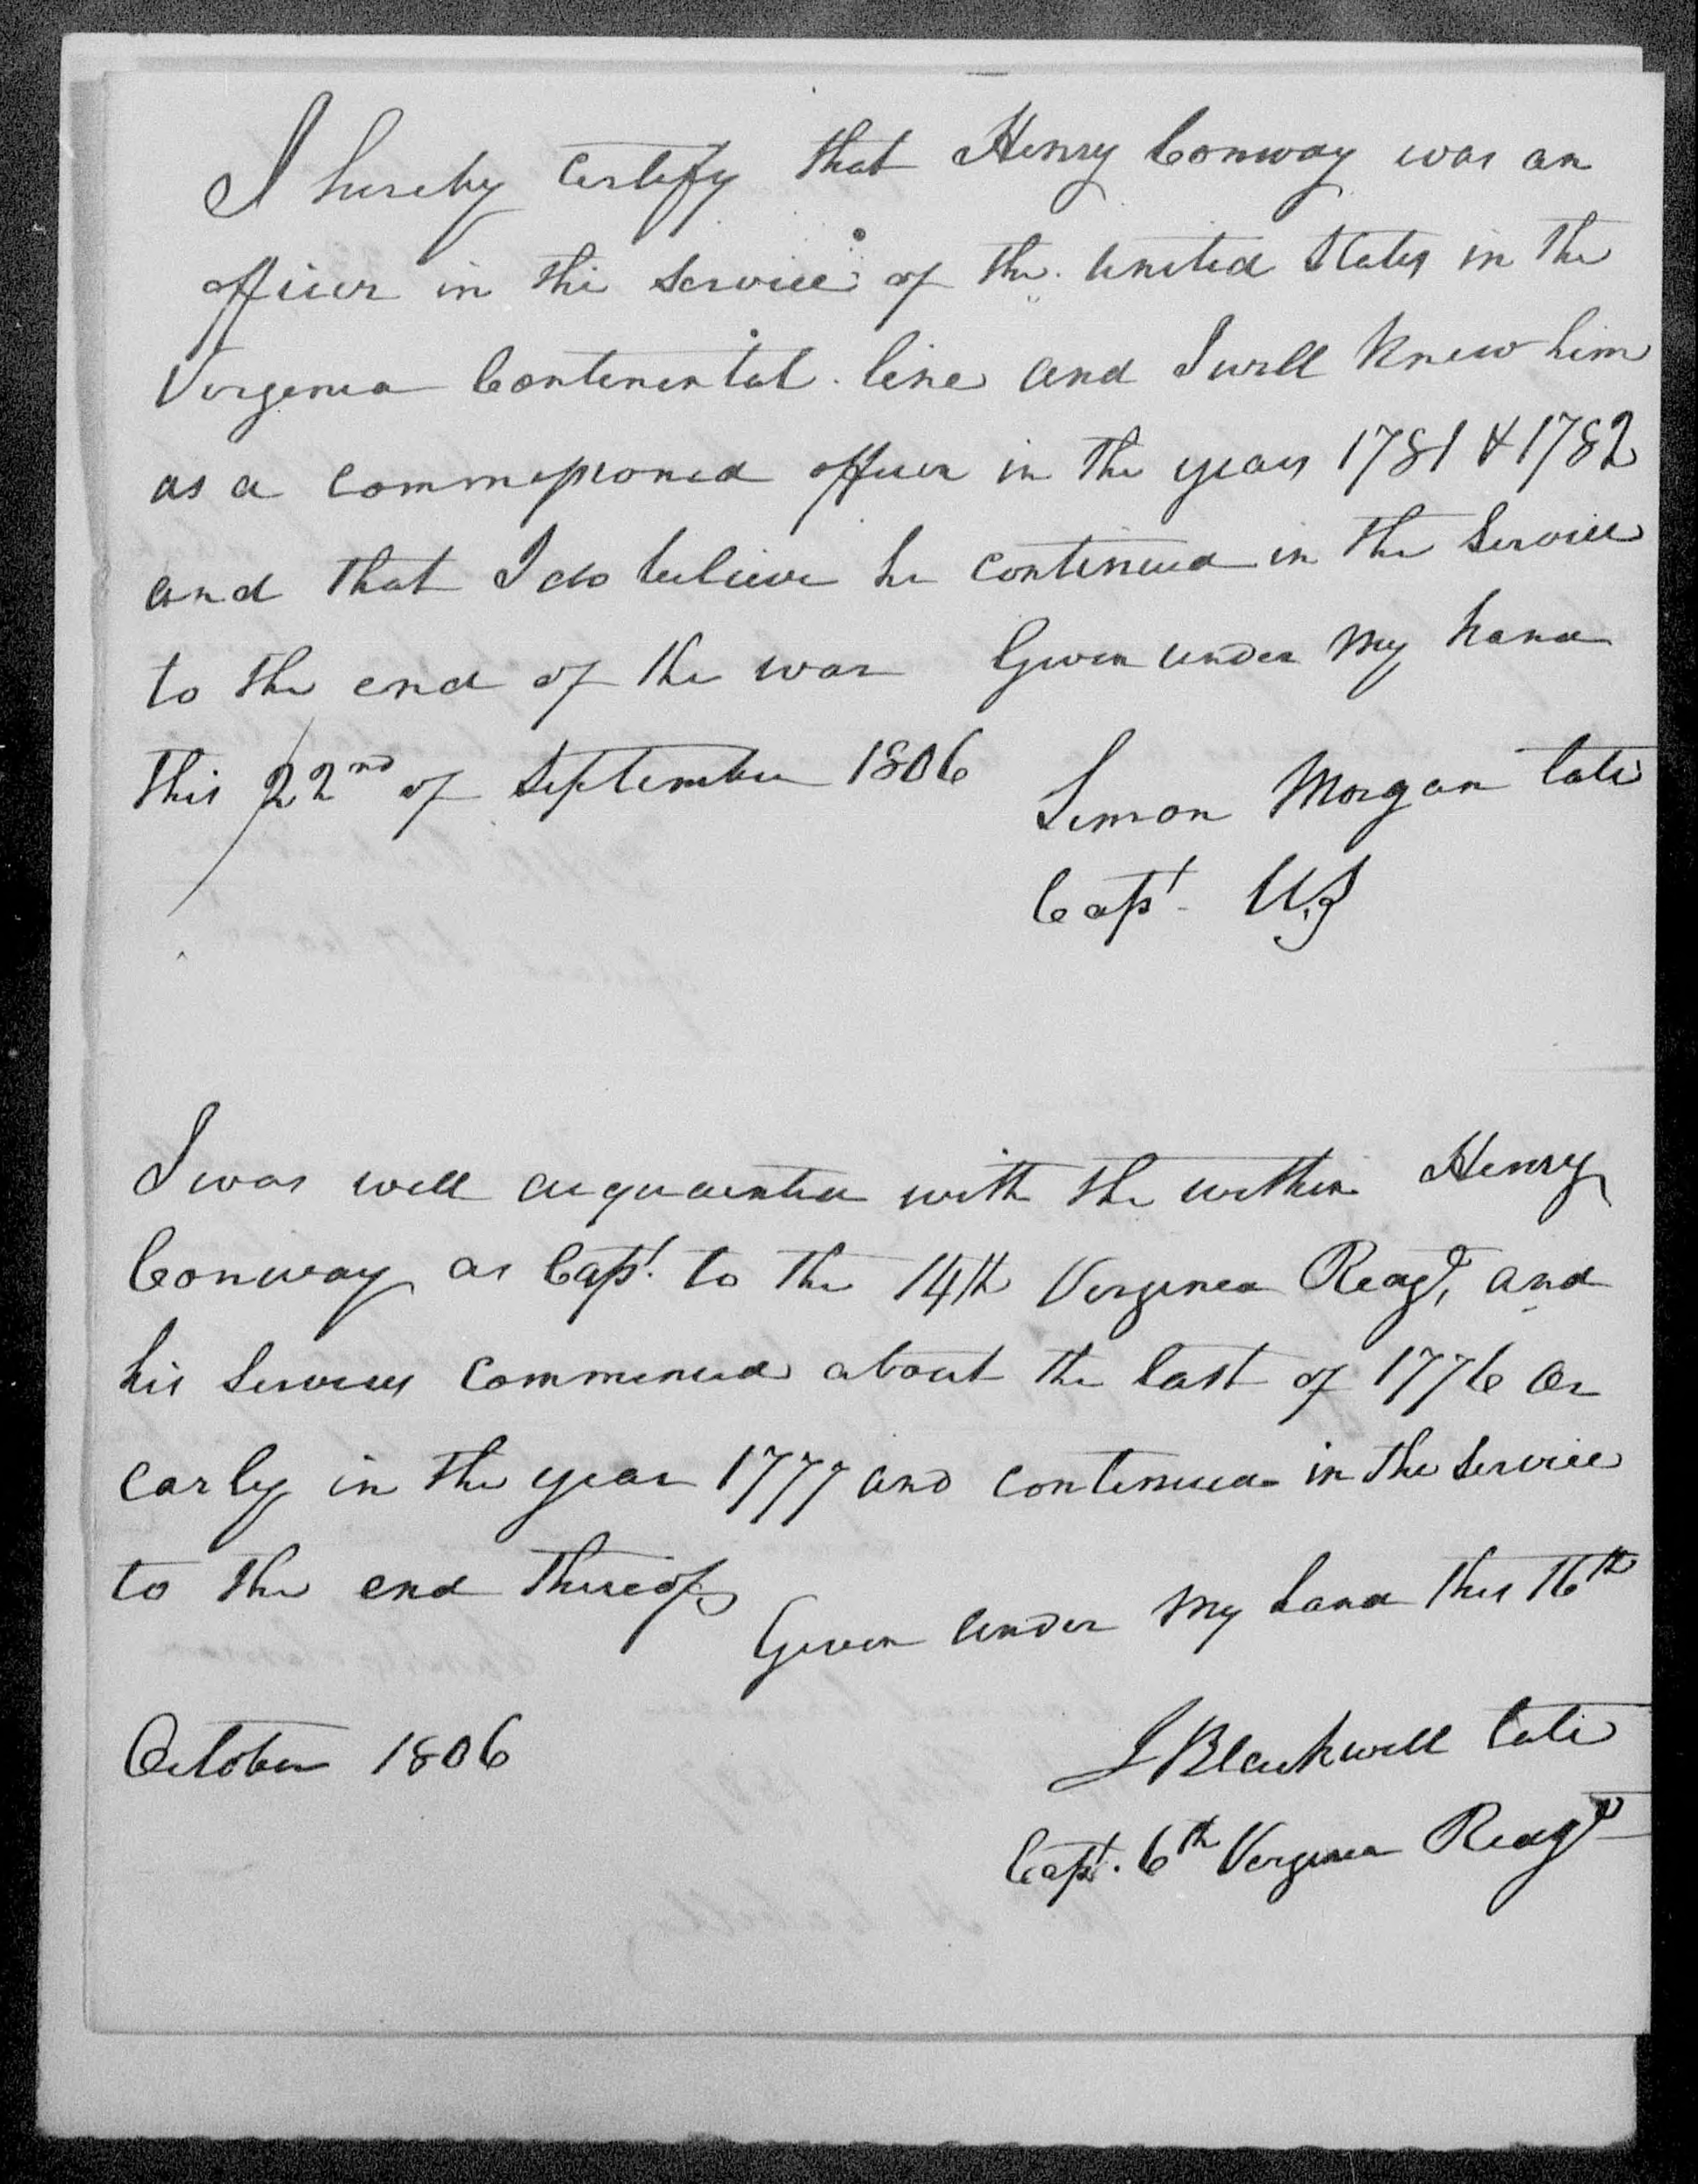I hereby certify that Henry Conway was an officer in the service of the United States in the Virginia Continental line and I well knew him as a commissioned officer in the year 1781 and 1782 and that I do believe he continued in the service to the end of the war. 

Given under my hand this 22nd of September 1806.

Simon Morgan 
late Capt. U.S.


I was well acquainted with the within Henry Conway as Capt. to the 14th Virginia Regt. and his services commenced about the last of 1776 or early in the year 1777 and continued in the service to the end thereof.  

Given under my hand the 16th of October 1806

J. Blackwell
Late Capt. 6th Virginia Regt.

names: J Blackwell, Henry Conway, Simon Morgan, Henry Conway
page: 12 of 13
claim: widow's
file: W. 6,719, Henry Conway, Va.